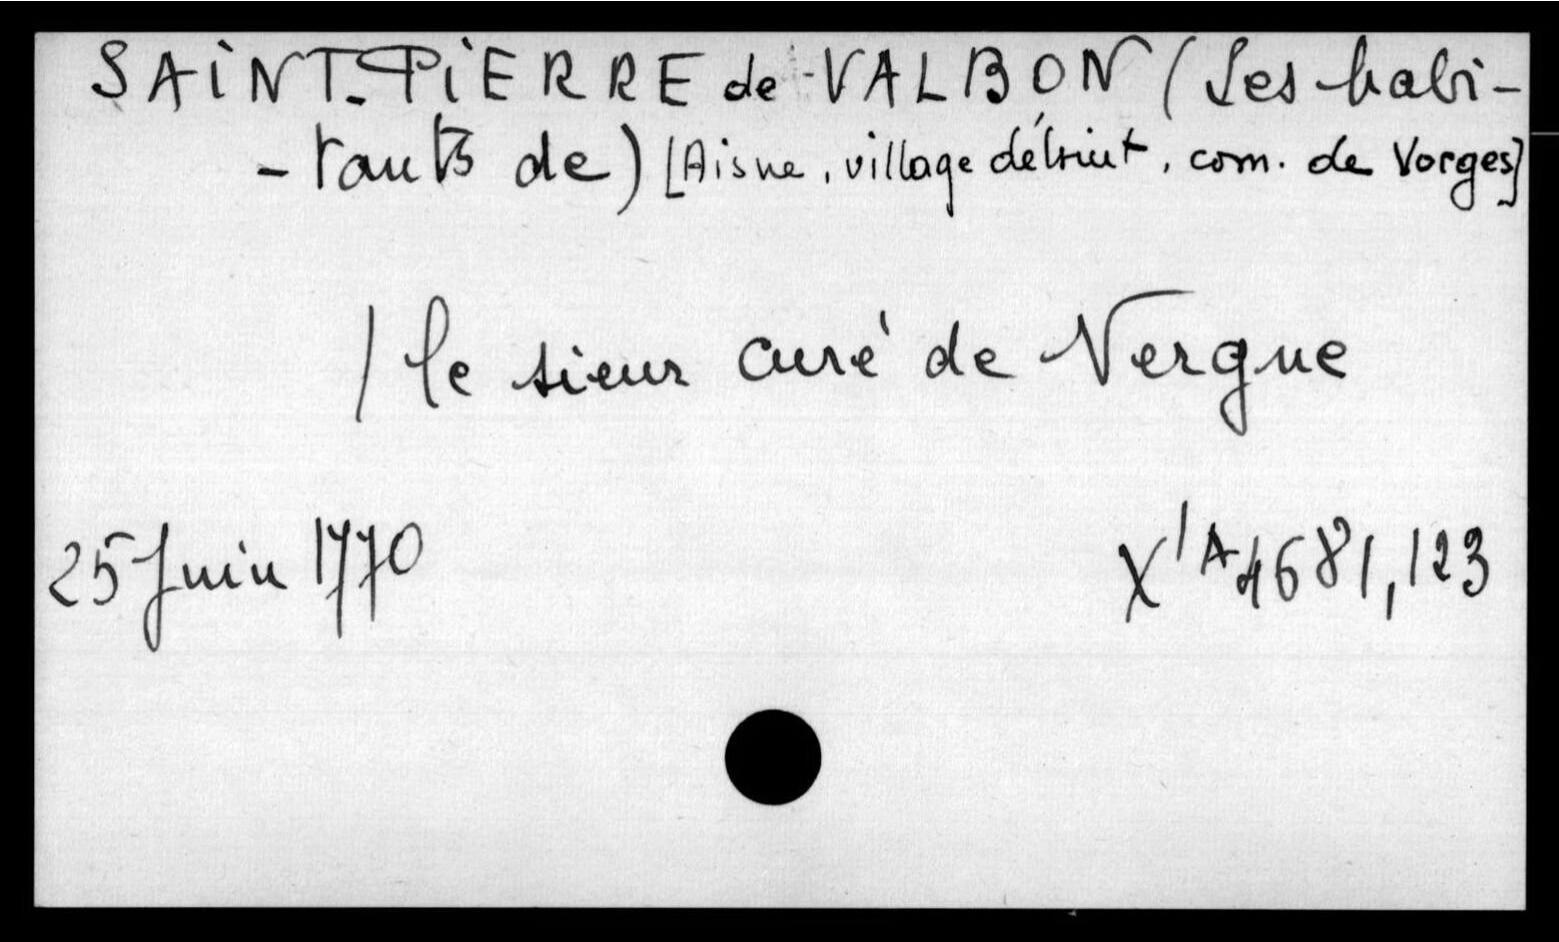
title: SAINT-PIERRE de VALBON (Les habitants de) [Aisne, village détruit, communauté de Vorges)
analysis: Contre le sieur curé de Vergne
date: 25 juin 1770
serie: X1A
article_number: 4681
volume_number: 123
